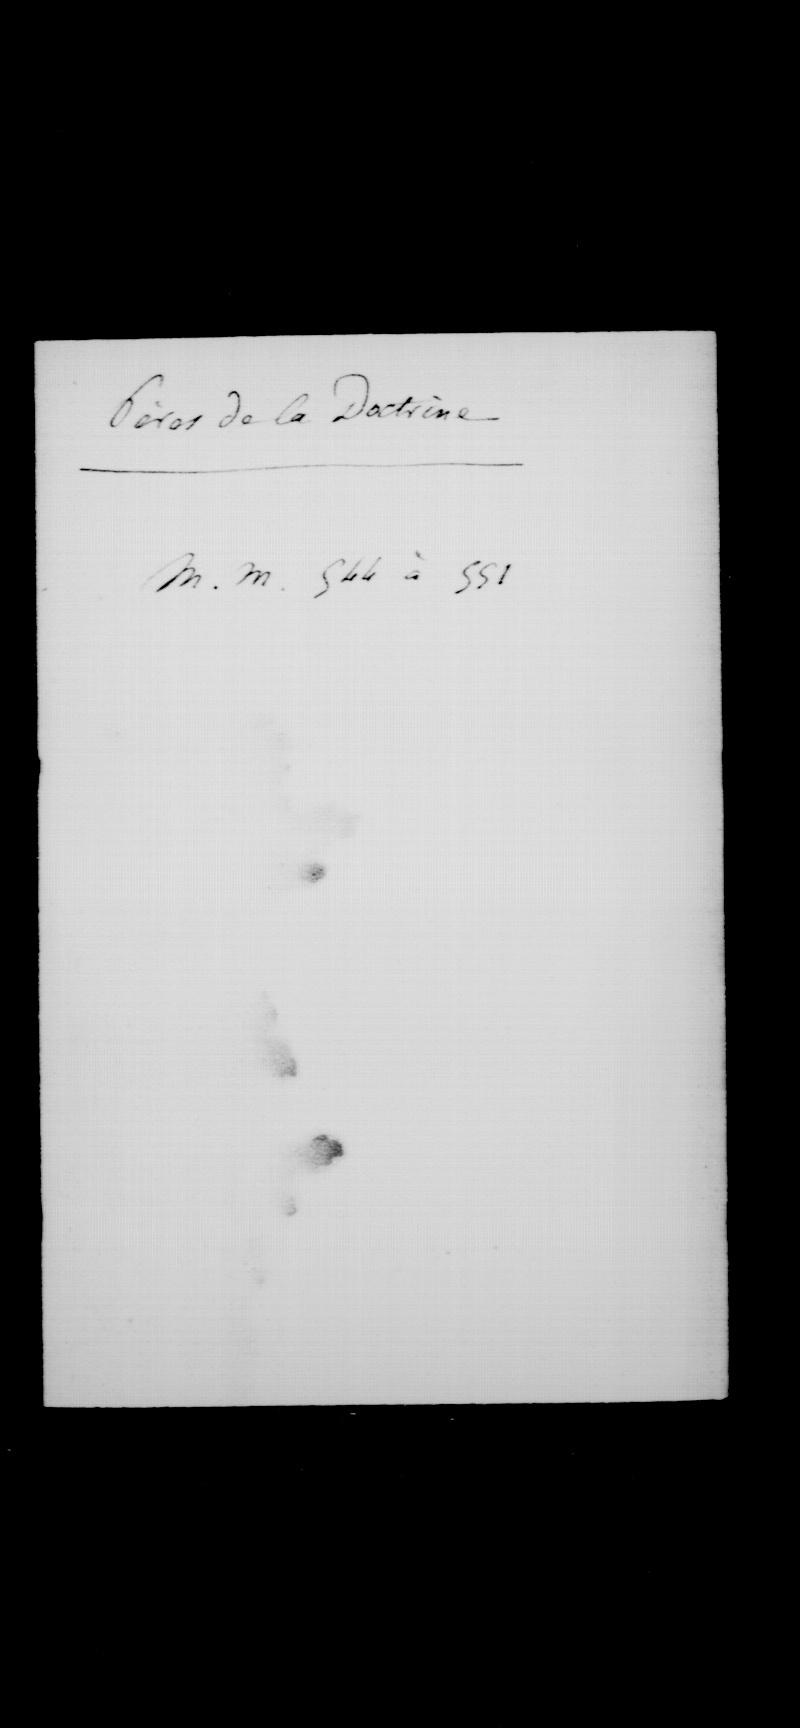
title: Pères de la Doctrine
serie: MM
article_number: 544-MM//551
